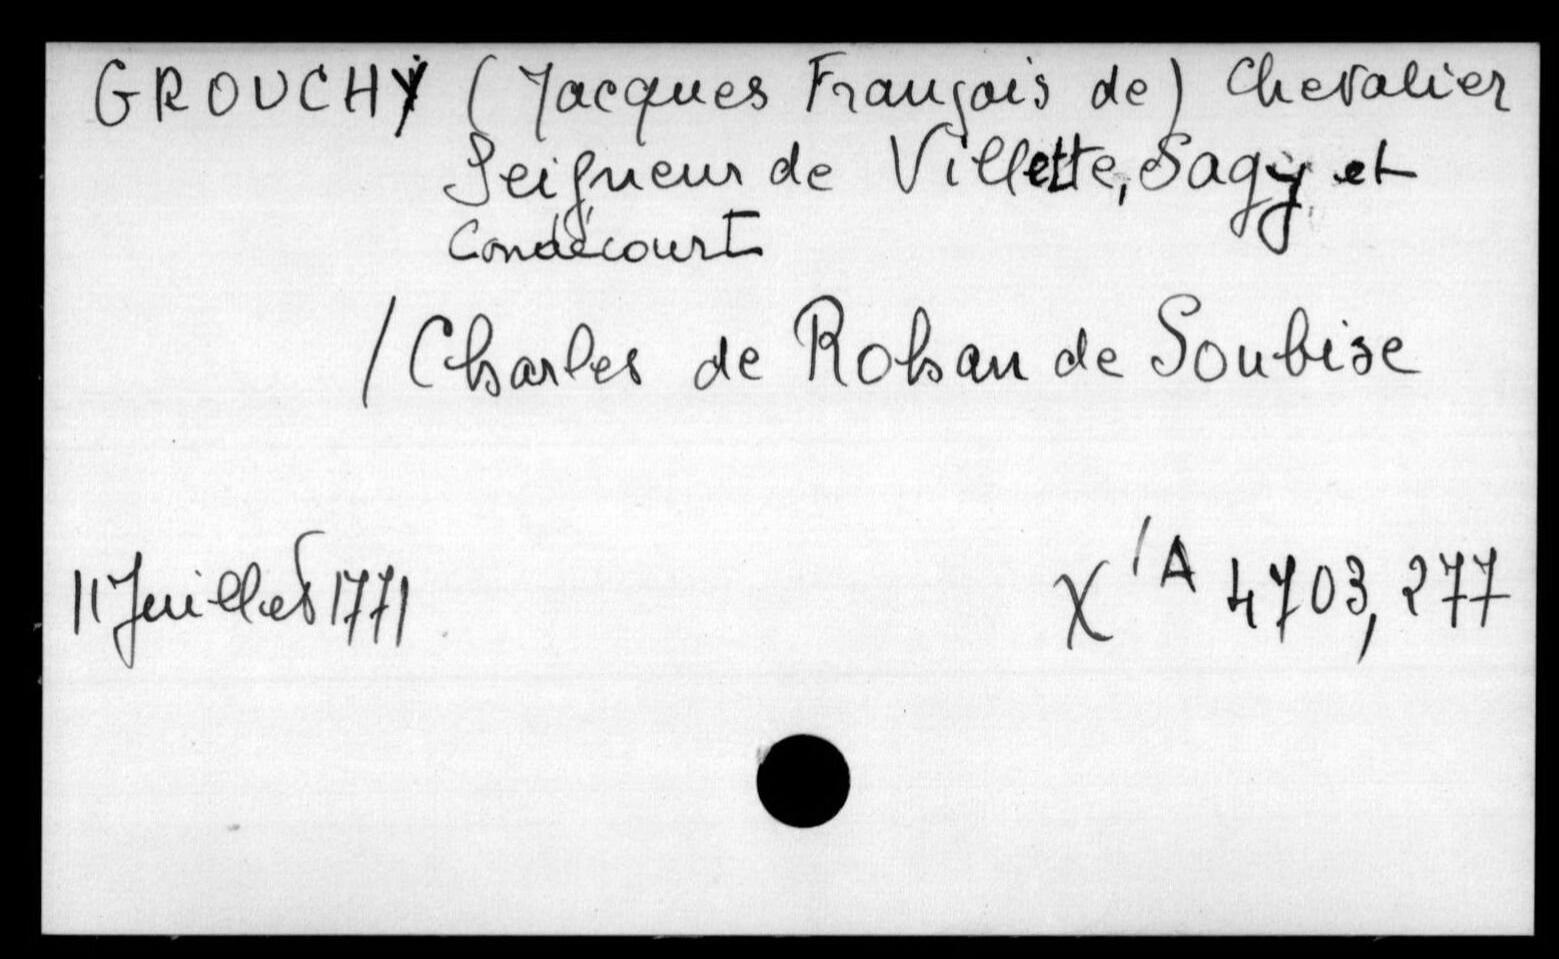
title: GROUCHY (Jacques François de), chevalier, seigneur de Villette, Sagy et Condécourt
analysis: Contre Charles de Rohan de Soubise
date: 11 juillet 1771
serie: X1A
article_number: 4703
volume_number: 277
